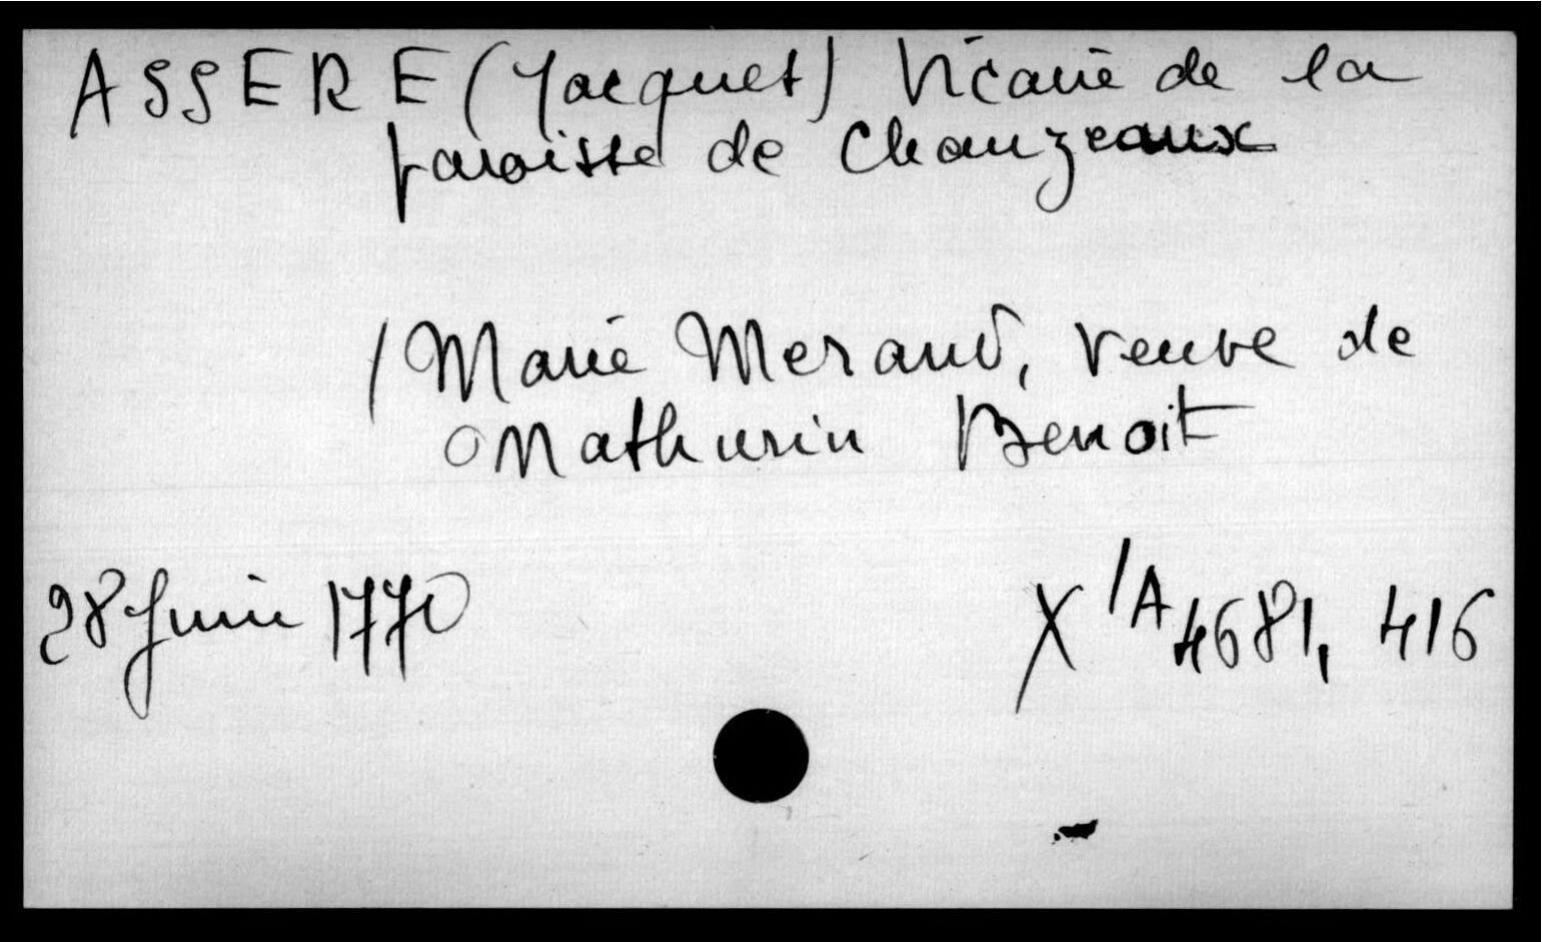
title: ASSERE (Jacques) Vicaire de la paroisse de Chauzeaux
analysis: Contre Marie Merand, veuve de Mathurin Benoit
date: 28 juin 1770
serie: X1A
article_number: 4681
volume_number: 416
